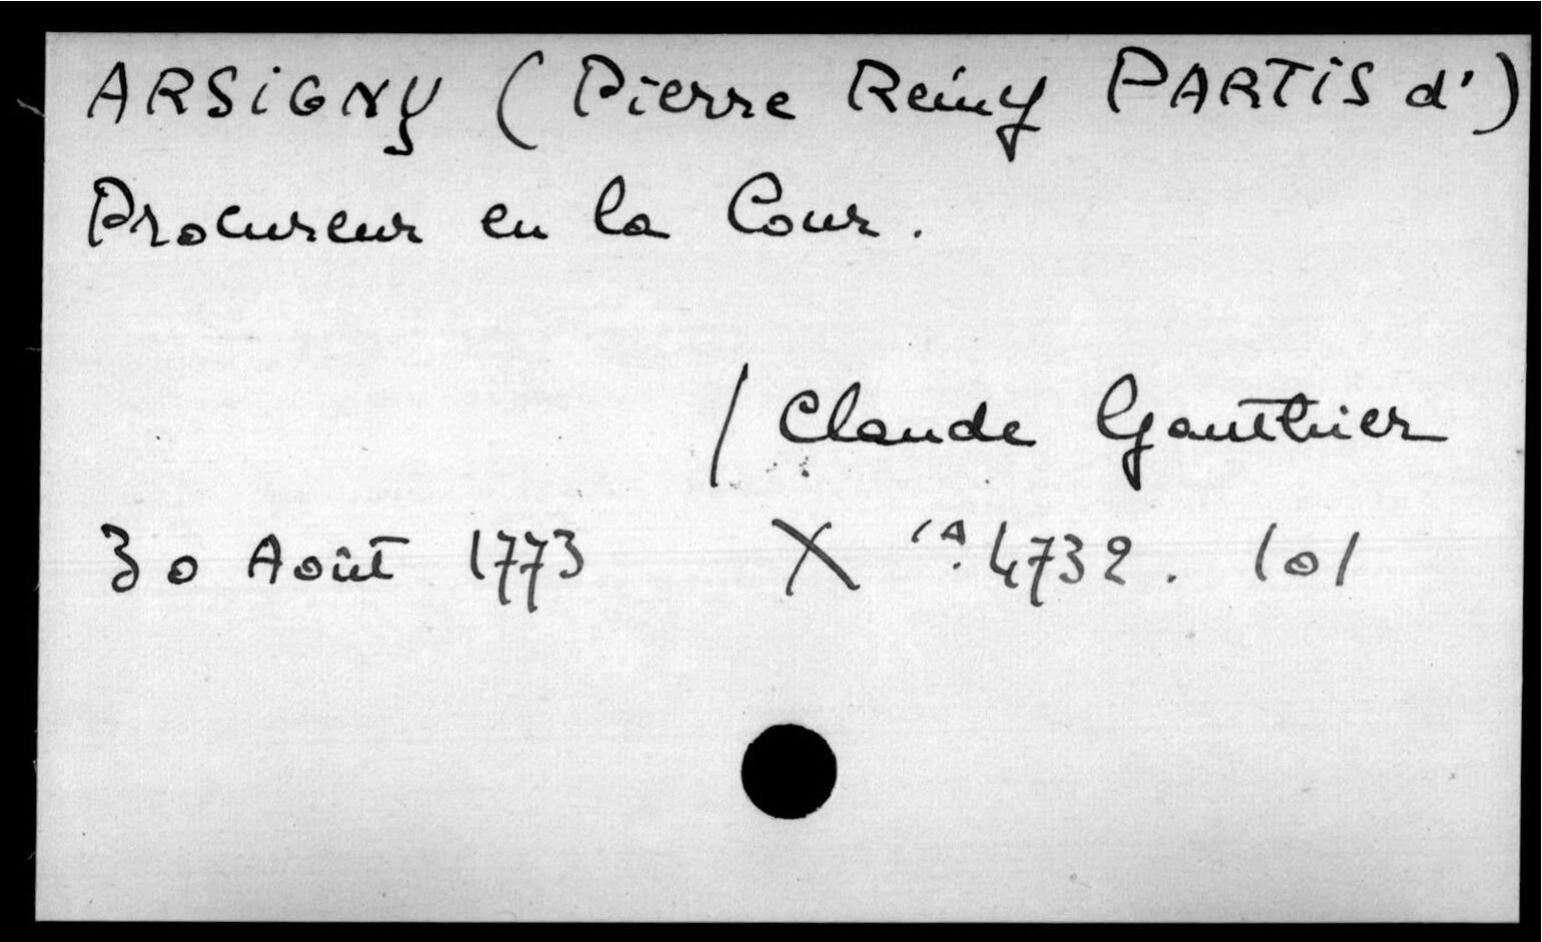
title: ARSIGNY (Pierre Remy PARTIS d') Procureur en la Cour.
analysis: Contre Claude Gauthier
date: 30 août 1773
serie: X1A
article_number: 4732
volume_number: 101
